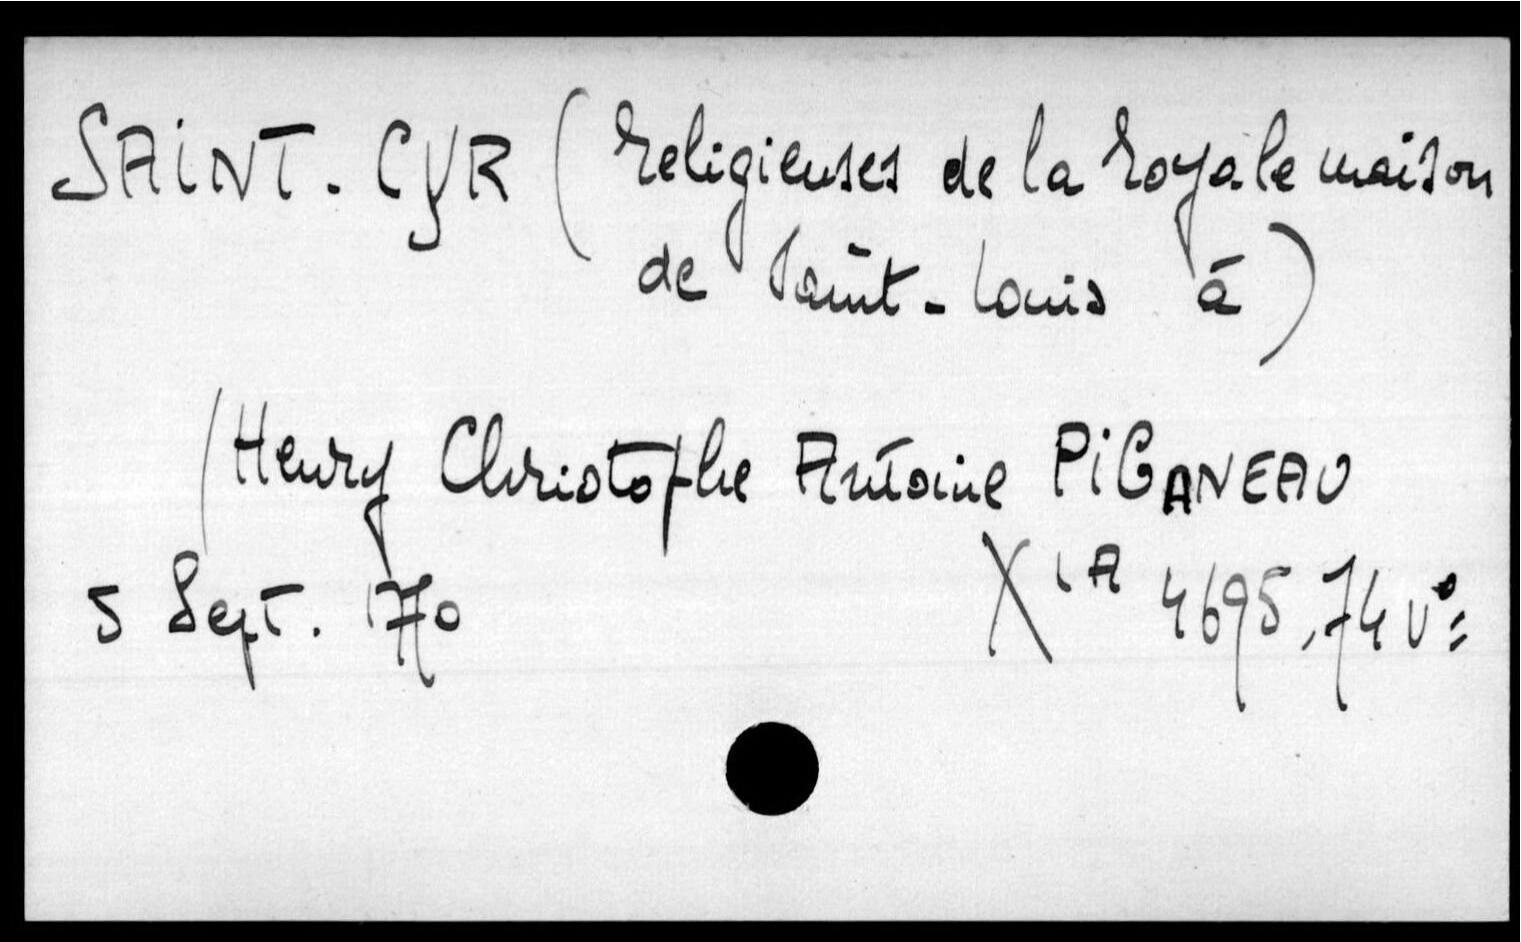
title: SAINT-CYR (Religieuses de la royale maison de Saint-Louis à)
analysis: Contre Henry Christophe Antoine PIGANEAU
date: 5 septembre 1770
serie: X1A
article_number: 4695
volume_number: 74v
